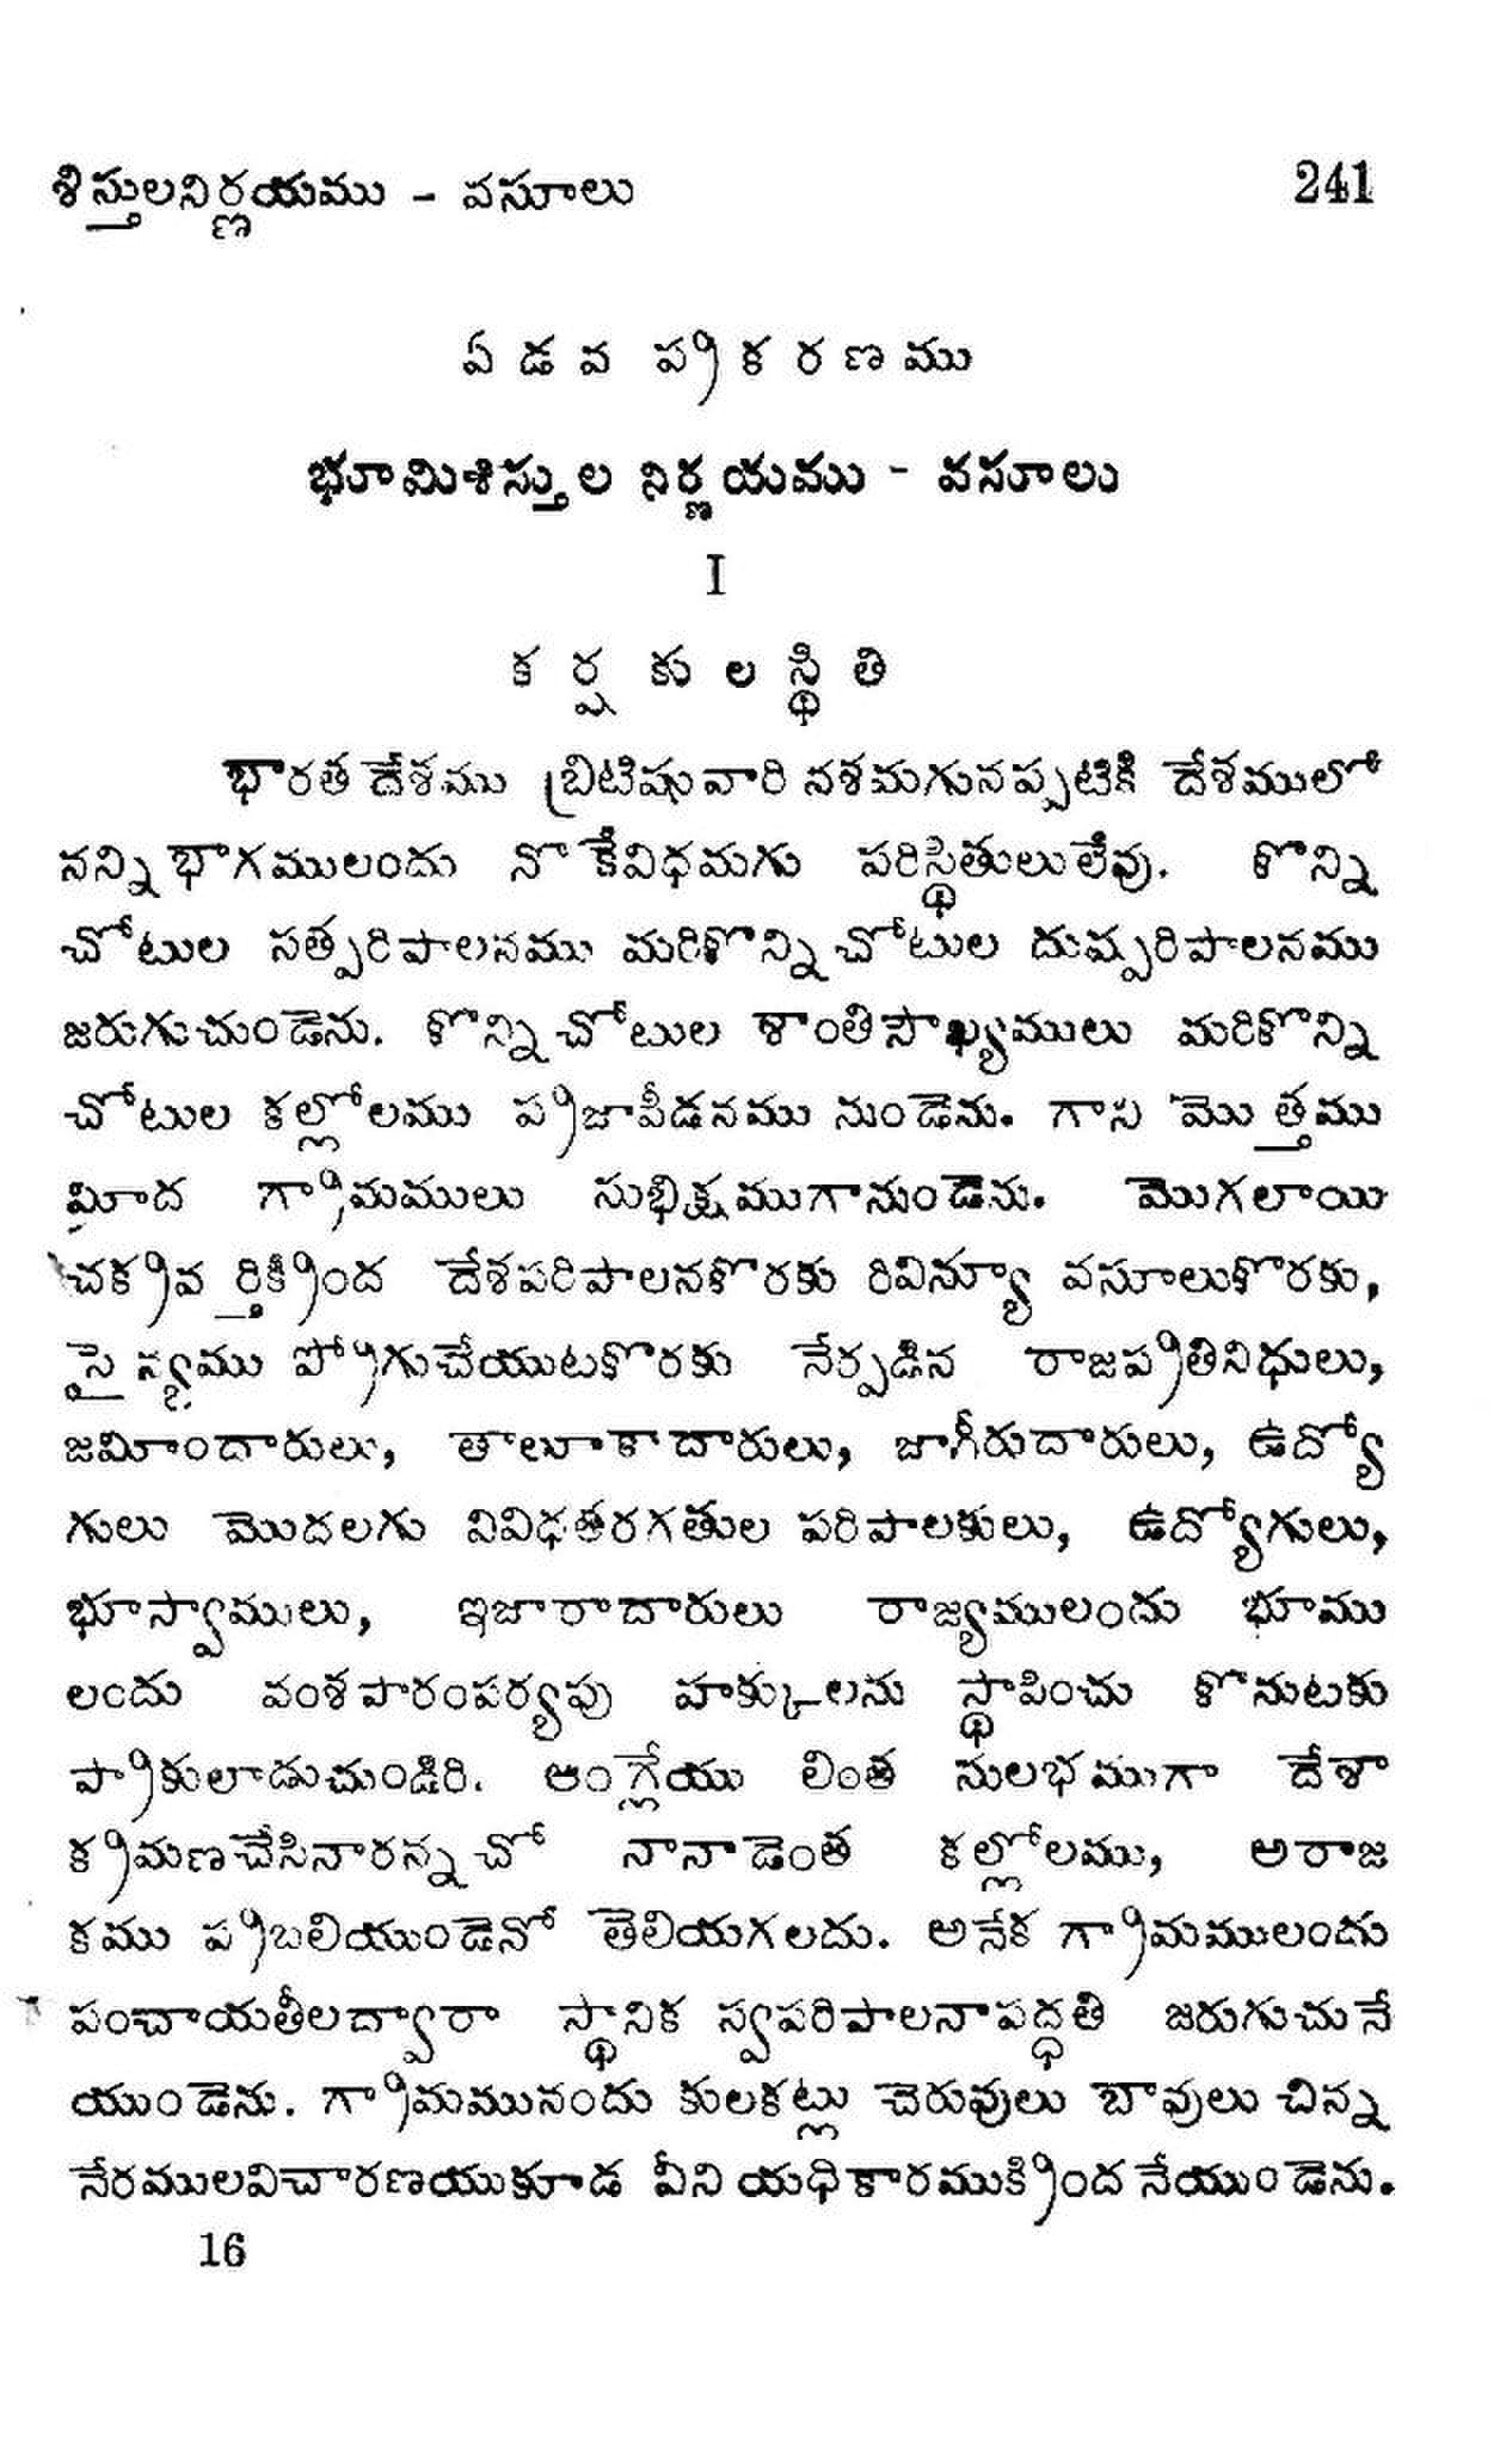ఏడవ ప్రకరణము 
భూమిశిస్తుల నిర్ణయము - వసూలు
I
కర్షకులస్థితి

భారతదేశము బ్రిటిషువారి వశమగునప్పటికి దేశములో నన్నిభాగములందు నొకేవిధమగు పరిస్థితులులేవు. కొన్నిచోటుల సత్పరిపాలనము మరికొన్నిచోటుల దుష్పరిపాలనము జరుగుచుండెను. కొన్నిచోటుల శాంతిసౌఖ్యములు మరికొన్నిచోటుల కల్లోలము ప్రజాపీడనము నుండెను. గాని మొత్తముమీద గ్రామములు సుభిక్షముగానుండెను. మొగలాయి చక్రవర్తిక్రింద దేశపరిపాలనకొరకు రివిన్యూ వసూలుకొరకు, సైన్యము ప్రోగుచేయుటకొరకు నేర్పడిన రాజప్రతినిధులు, జమీందారులు, తాలూకాదారులు, జాగీరుదారులు, ఉద్యోగులు మొదలగు వివిధతరగతుల పరిపాలకులు, ఉద్యోగులు, భూస్వాములు, ఇజారాదారులు రాజ్యములందు భూములందు వంశపారంపర్యపు హక్కులను స్థాపించు కొనుటకు ప్రాకులాడుచుండిరి. ఆంగ్లేయు లింత సులభముగా దేశాక్రమణచేసినారన్నచో నానాడెంత కల్లోలము, అరాజకము ప్రబలియుండెనో తెలియగలదు. అనేక గ్రామములందు పంచాయతీలద్వారా స్థానిక స్వపరిపాలనాపద్దతి జరుగుచునే యుండెను. గ్రామమునందు కులకట్లు చెరువులు బావులు చిన్న నేరముల విచారణయుకూడ వీనియధికారముక్రింద నేయుండెను.